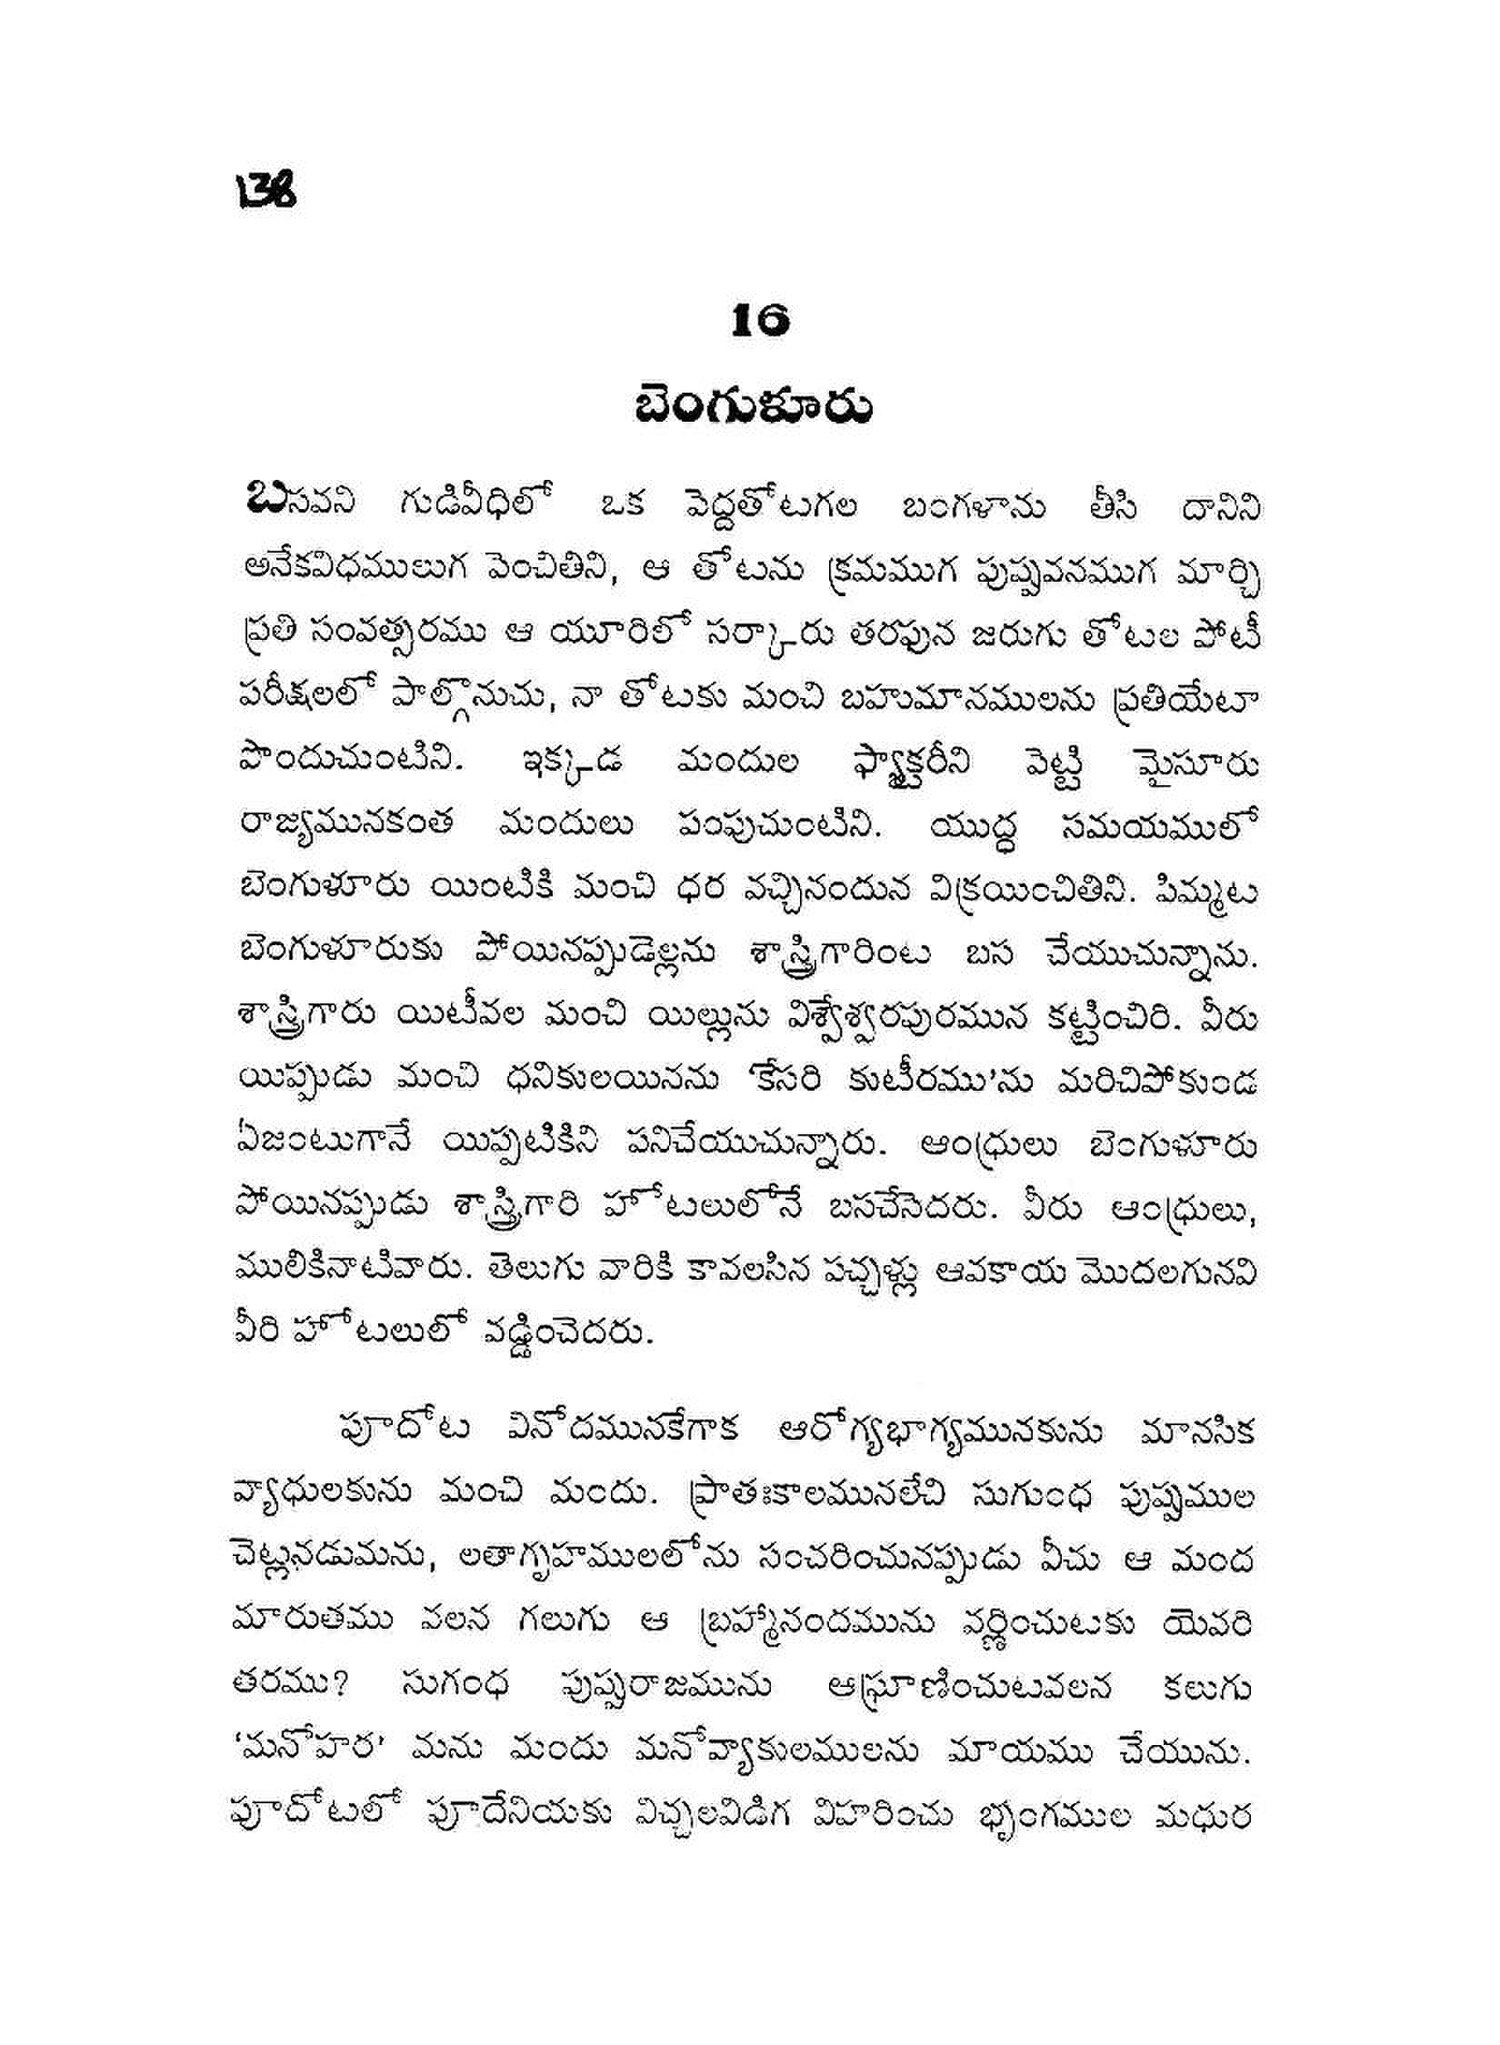బసవని గుడివీధిలో ఒక పెద్దతోటగల బంగళాను తీసి దానిని అనేకవిధములుగ పెంచితిని, ఆ తోటను క్రమముగ పుష్పవనముగ మార్చి ప్రతి సంవత్సరము ఆ యూరిలో సర్కారు తరఫున జరుగు తోటల పోటీ పరీక్షలలో పాల్గొనుచు, నా తోటకు మంచి బహుమానములను ప్రతియేటా పొందుచుంటిని. ఇక్కడ మందుల ఫ్యాక్టరీని పెట్టి మైసూరు రాజ్యమునకంత మందులు పంపుచుంటిని. యుద్ధ సమయములో బెంగుళూరు యింటికి మంచి ధర వచ్చినందున విక్రయించితిని. పిమ్మట బెంగుళూరుకు పోయినప్పుడెల్లను శాస్త్రిగారింట బస చేయుచున్నాను. శాస్త్రిగారు యిటీవల మంచి యిల్లును విశ్వేశ్వరపురమున కట్టించిరి. వీరు యిప్పుడు మంచి ధనికులయినను 'కేసరి కుటీరము'ను మరిచిపోకుండ ఏజంటుగానే యిప్పటికిని పనిచేయుచున్నారు. ఆంధ్రులు బెంగుళూరు పోయినప్పుడు శాస్త్రిగారి హోటలులోనే బసచేసెదరు. వీరు ఆంధ్రులు, ములికినాటివారు. తెలుగు వారికి కావలసిన పచ్చళ్లు ఆవకాయ మొదలగునవి వీరి హోటలులో వడ్డించెదరు.

పూదోట వినోదమునకేగాక ఆరోగ్యభాగ్యమునకును మానసిక వ్యాధులకును మంచి మందు. ప్రాతఃకాలమునలేచి సుగంధ పుష్పముల చెట్లనడుమను, లతాగృహములలోను సంచరించునప్పుడు వీచు ఆ మంద మారుతము వలన గలుగు ఆ బ్రహ్మానందమును వర్ణించుటకు యెవరి తరము? సుగంధ పుష్పరాజమును ఆఘ్రాణించుటవలన కలుగు 'మనోహర' మను మందు మనోవ్యాకులములను మాయము చేయును. పూదోటలో పూదేనియకు విచ్చలవిడిగ విహరించు భృంగముల మధుర